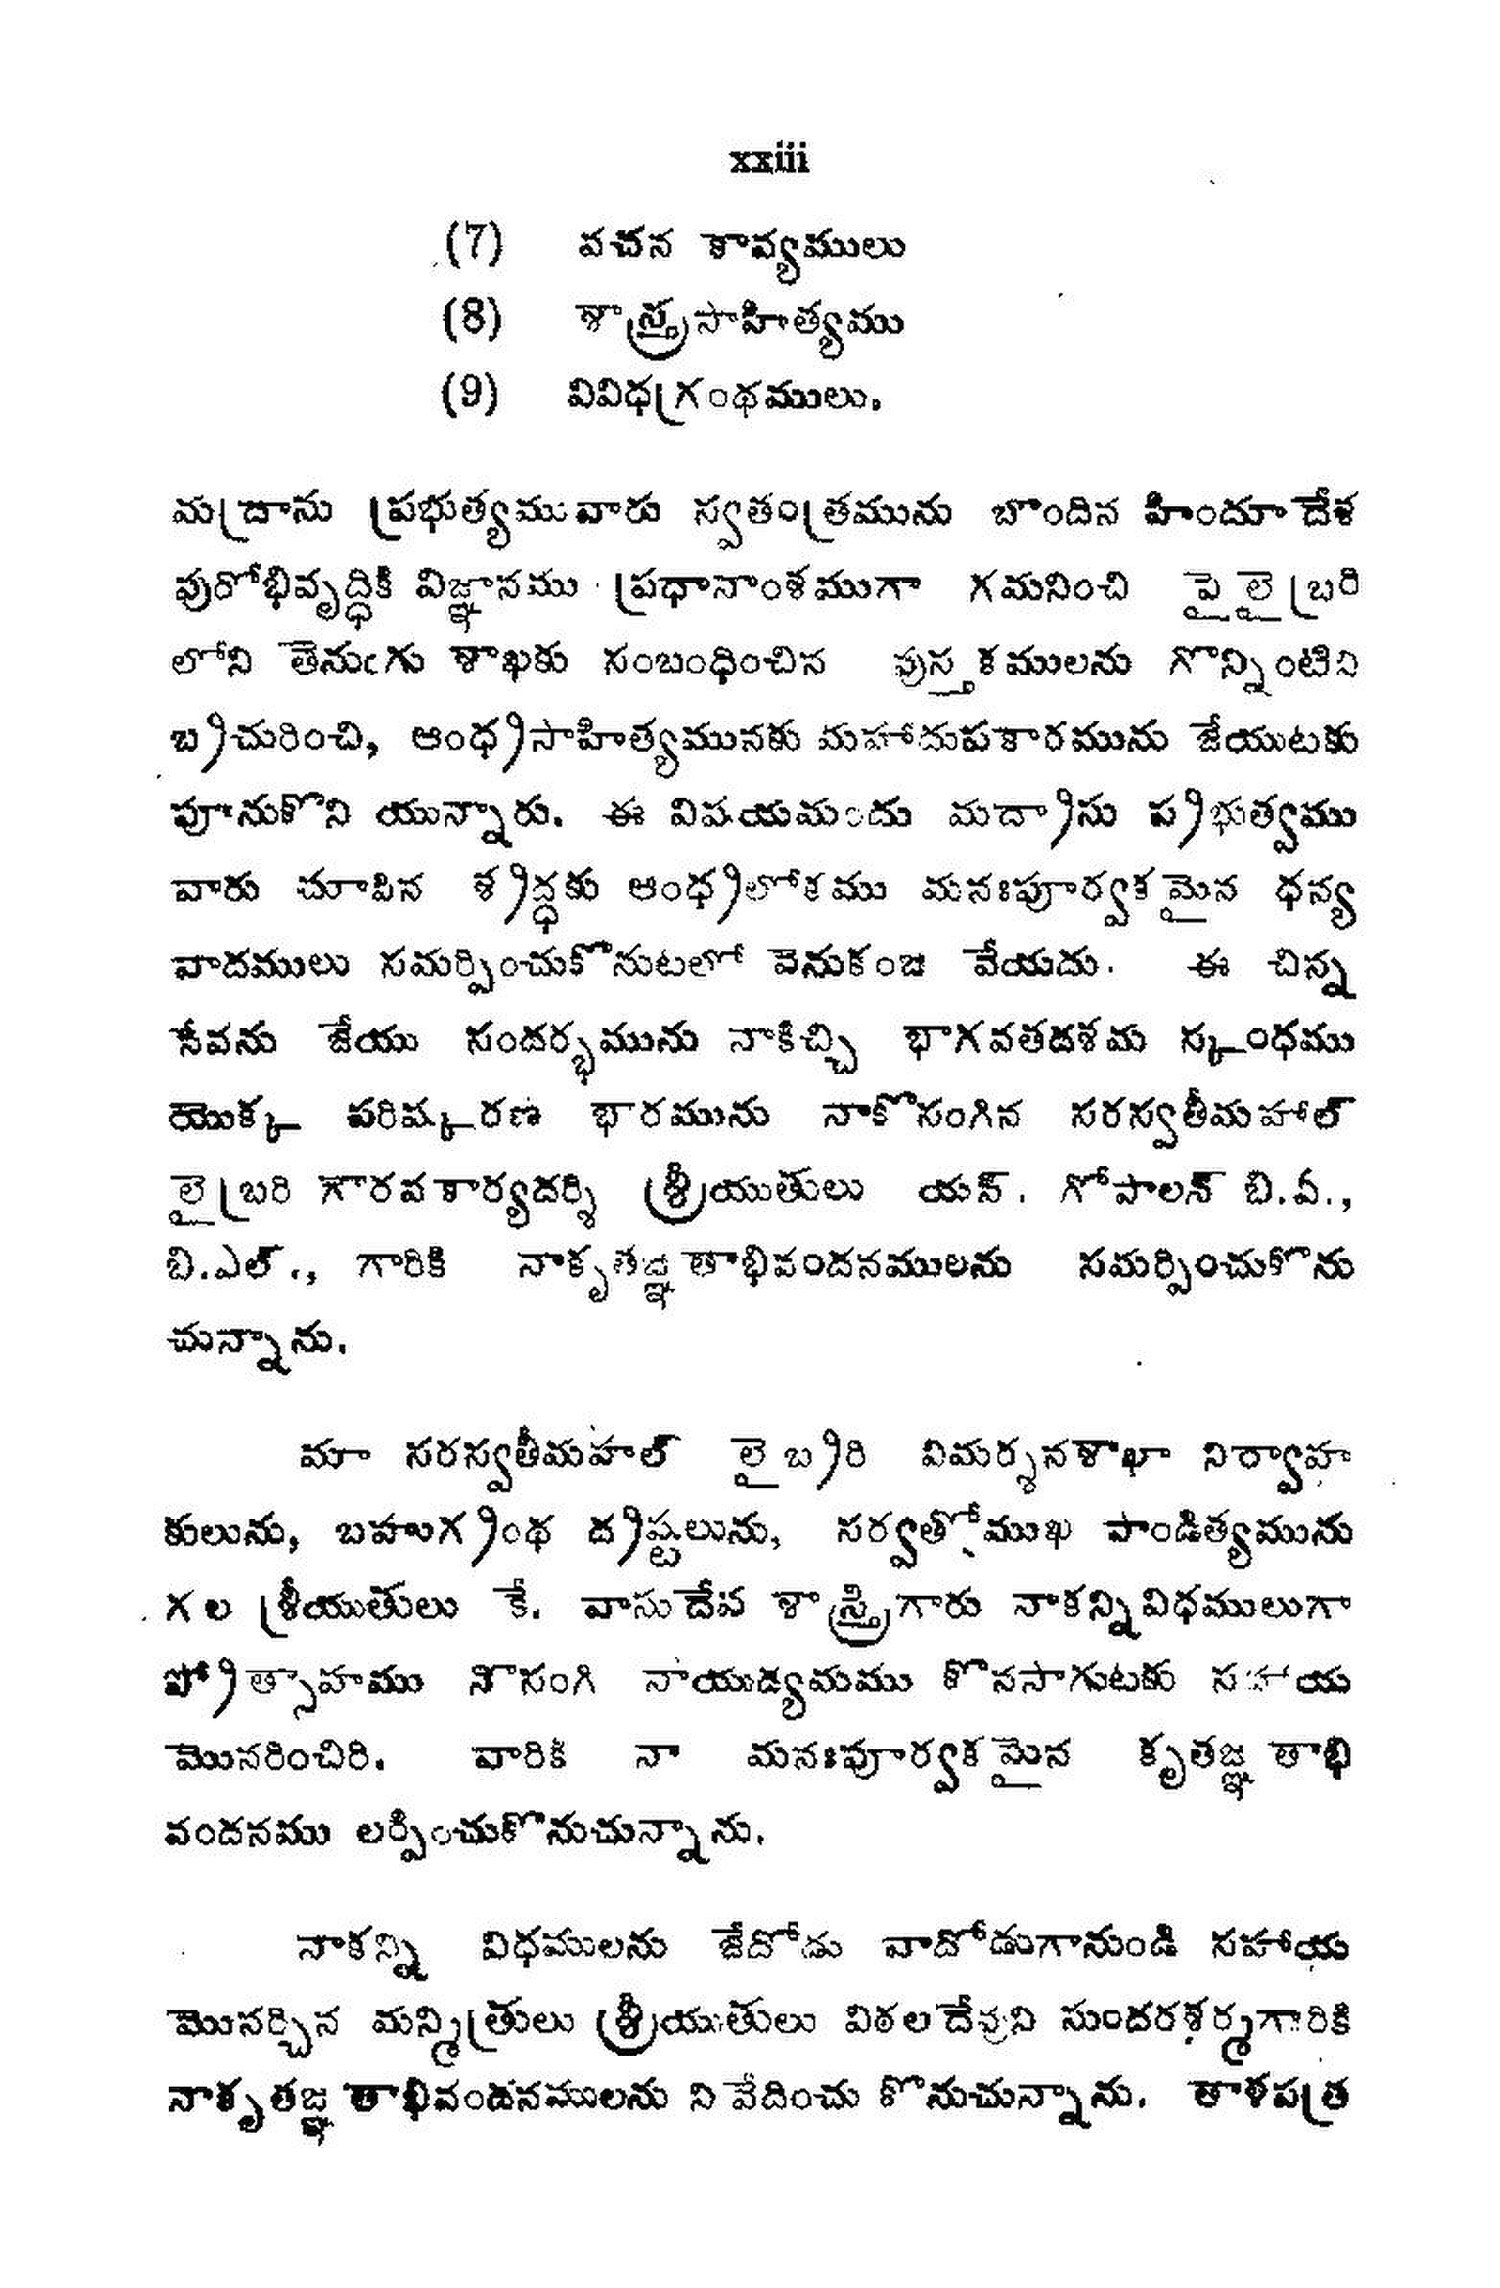వచనకావ్యములు
 శాస్త్రసాహిత్యము
 వివిధగ్రంథములు.
మద్రాసు ప్రభుత్వమువారు స్వతంత్రమును బొందిన హిందూదేశ పురోభివృద్ధికి విజ్ఞానము ప్రధానాంశముగా గమనించి పై లైబ్రరీలోని తెనుఁగు శాఖకు సంబంధించిన పుస్తకములను గొన్నింటిని బ్రచురించి, ఆంధ్రసాహిత్యమునకు మహాదుపకారమును జేయుటకు పూనుకొని యున్నారు. ఈ విషయమందు మద్రాసు ప్రభుత్వము వారు చూపిన శ్రద్ధకు ఆంధ్రలోకము మనఃపూర్వకమైన ధన్యవాదములు సమర్పించుకొనుటలో వెనుకంజ వేయదు. ఈ చిన్న సేవను జేయు సందర్భమును నాకిచ్చి భాగవత దశమస్కంధము యొక్క పరిష్కరణ భారమును నాకొసంగిన సరస్వతీమహల్ లైబ్రరీ గౌరవకార్యదర్శి శ్రీయుతులు యన్. గోపాలన్ బి. ఎ., బి. ల్. గారికి నా కృతజ్ఞతాభివందనములను సమర్పించు కొనుచున్నాను.
 
మా సరస్వతీమహల్ లైబ్రరీ విమర్శనశాఖా నిర్వాహకులును, బహుగ్రంథ ద్రష్టలును, సర్వతోముఖ పాండిత్యమును గల శ్రీయుతులు కె. వాసుదేవశాస్త్రిగారు నా కన్నివిధములుగా ప్రోత్సాహము నొసంగి నాయుద్యమము కొనసాగుటకు సహాయ మొనరించిరి. వారికి నా మనఃపూర్వకమైన కృతజ్ఞతాభివందనము లర్పించుకొనుచున్నాను.

నాకన్ని విధములనుఁ జేదోడు వాదోడుగానుండి సహాయ మొనర్చిన మన్మిత్రులు శ్రీయుతులు విఠలదేవుని సుందరశర్మగారికి నా కృతజ్ఞతాభివందనములను నివేదించు కొనుచున్నాను. తాళపత్ర